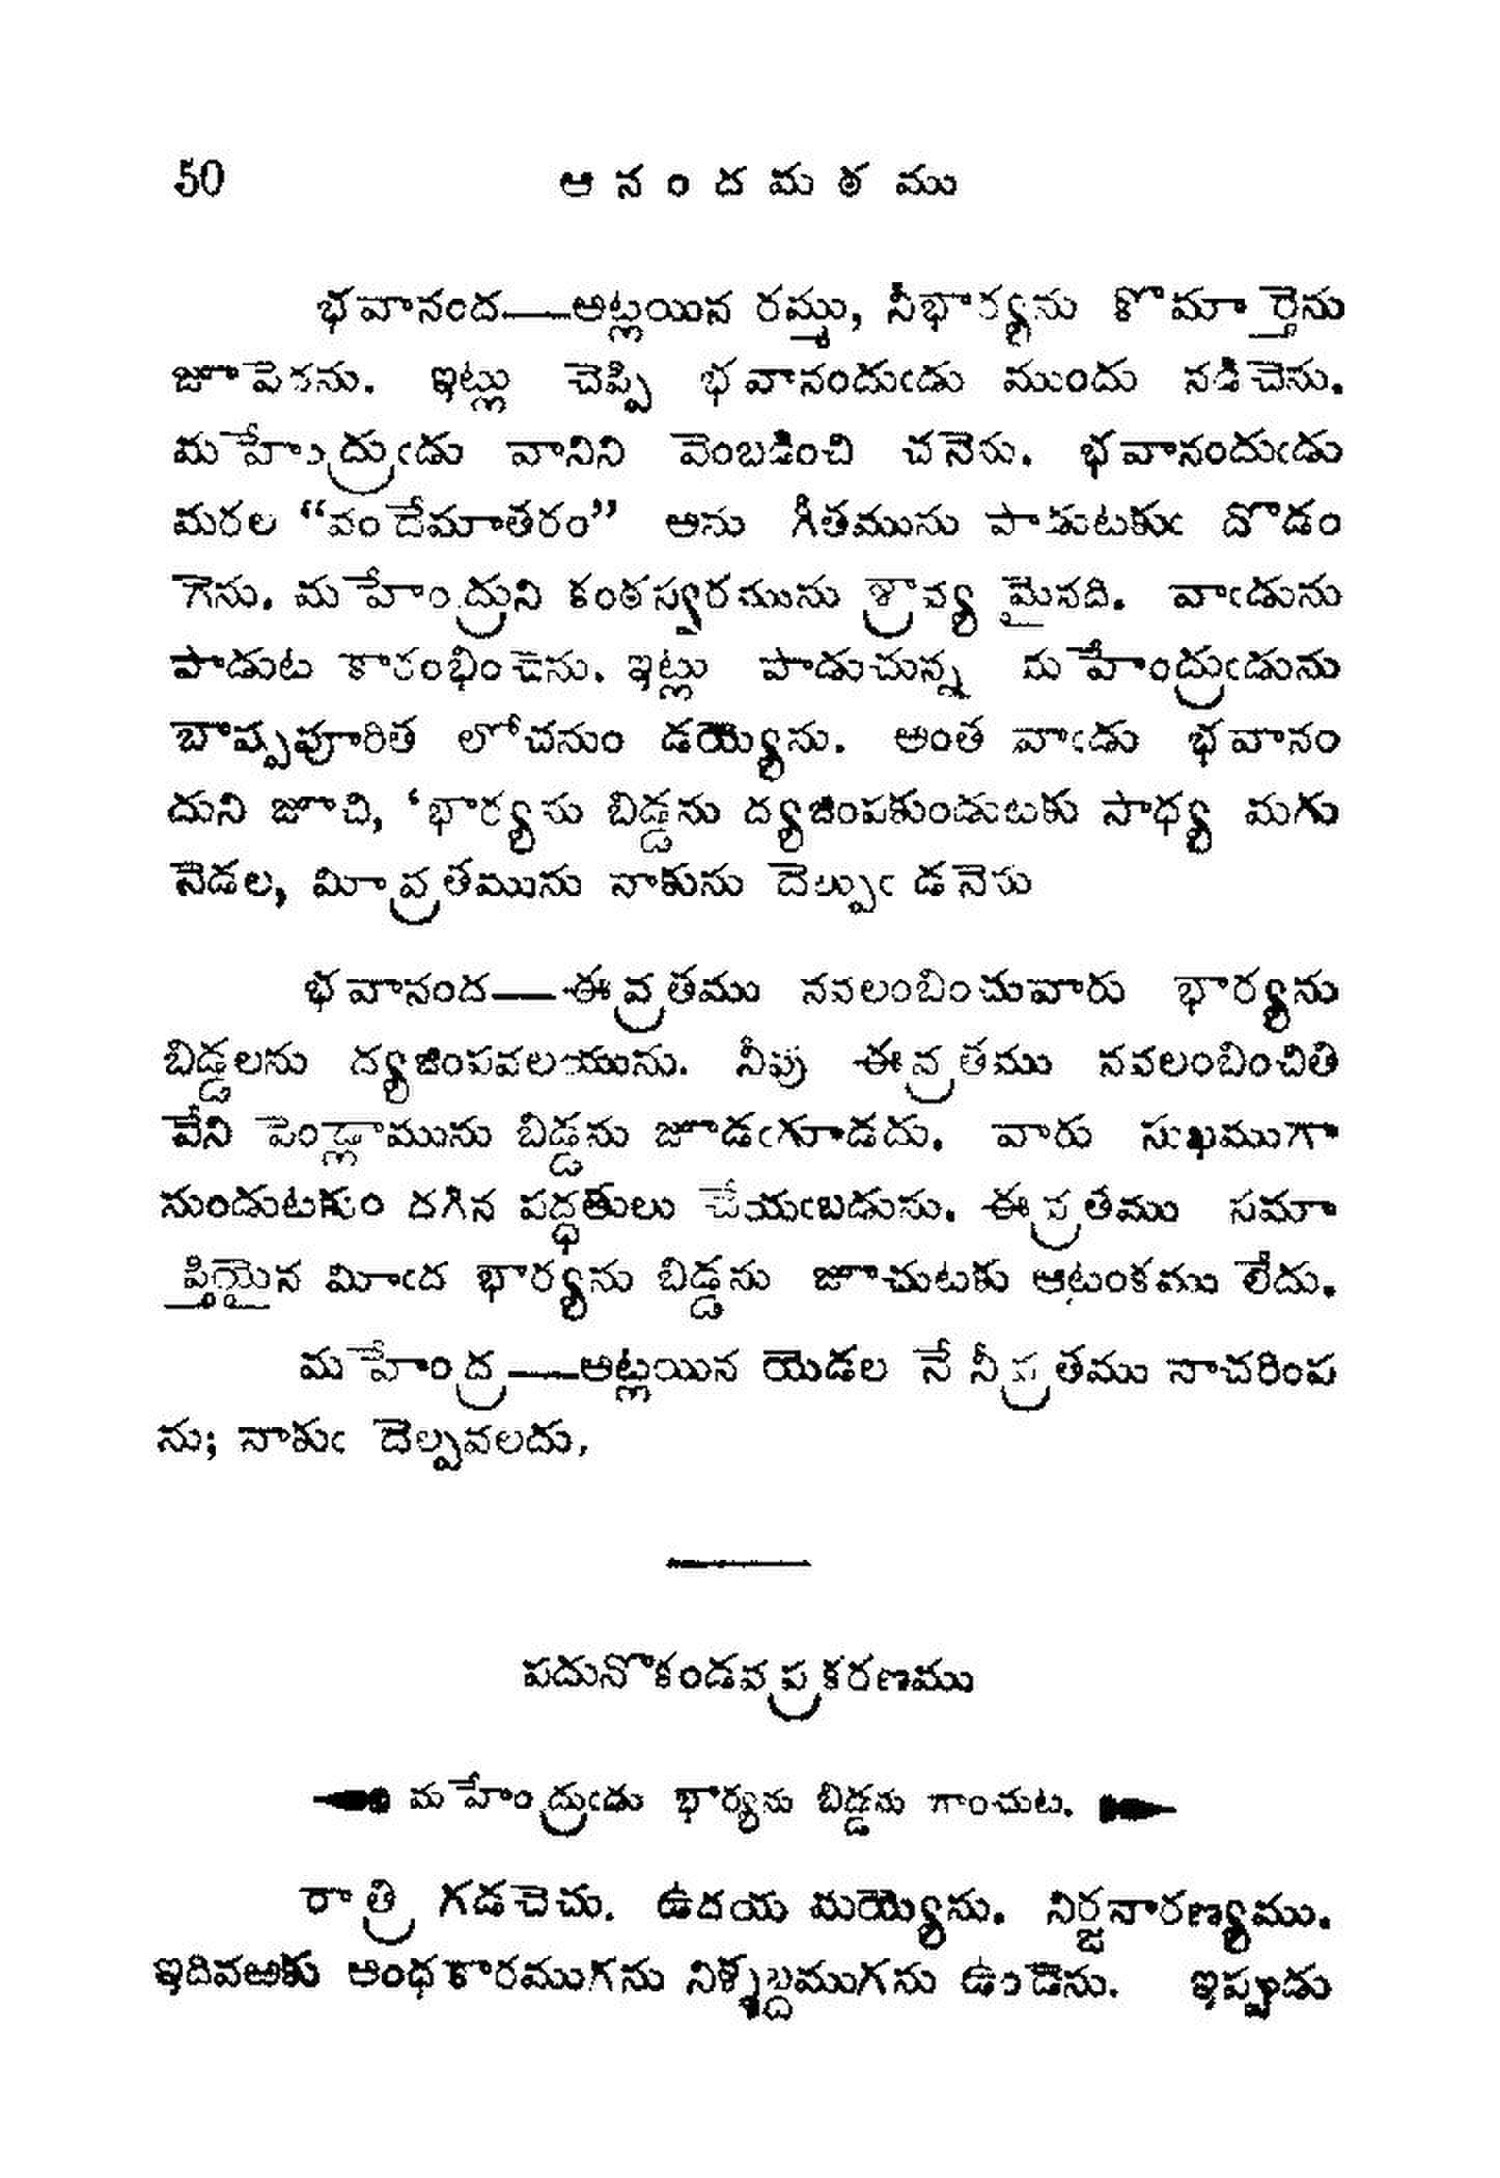భవానంద —— అట్లయిన రమ్ము, నీ భార్యను కొమార్తెను జూపెదను. ఇట్లు చెప్పి భవానందుఁడు ముందు నడిచెను, మహేంద్రుడు వానిని వెంబడించి చనెను. భవానందుఁడు మరల "వందేమాతరం” అను గీతమును పాడుటకుఁ దొడంగెను. మహేంద్రుని కంఠ స్వరమును శ్రావ్యమైనది. వాఁడును పాడుట కారంభించెను. ఇట్లు పాడుచున్న మహేంద్రుఁడును బాష్పపూరిత లోచనుం డయ్యెను. అంత వాఁడు భవానందుని జూచి, 'భార్యను బిడ్డను ద్యజింపకుండుటకు సాధ్య మగునెడల, మీవ్రతమును నాకును దెల్పుఁ డనెను

భవానంద —— ఈ వ్రతము నవలంబించువారు భార్యను బిడ్డలను ద్యజింపవలయును. నీవు ఈవ్రతము నవలంబించితివేని పెండ్లామును బిడ్డను జూడఁగూడదు. వారు సుఖముగా నుండుటకుం దగిన పద్ధతులు చేయఁబడును. ఈ వ్రతము సమాప్తియైన మీఁద భార్యను బిడ్డను జూచుటకు ఆటంకము లేదు.

మహేంద్ర——అట్లయిన యెడల నే నీ వ్రతము నాచరింపను; నాకుఁ దెల్పవలదు.

పదునొకండవ ప్రకరణము

మహేంద్రుఁడు భార్యను బిడ్డను గాంచుట.

రాత్రి గడచెచు. ఉదయ మయ్యెను. నిర్జనారణ్యము. ఇదివఱకు అంధకారముగను నిశ్శబ్దముగను ఉండెను. ఇప్పుడు